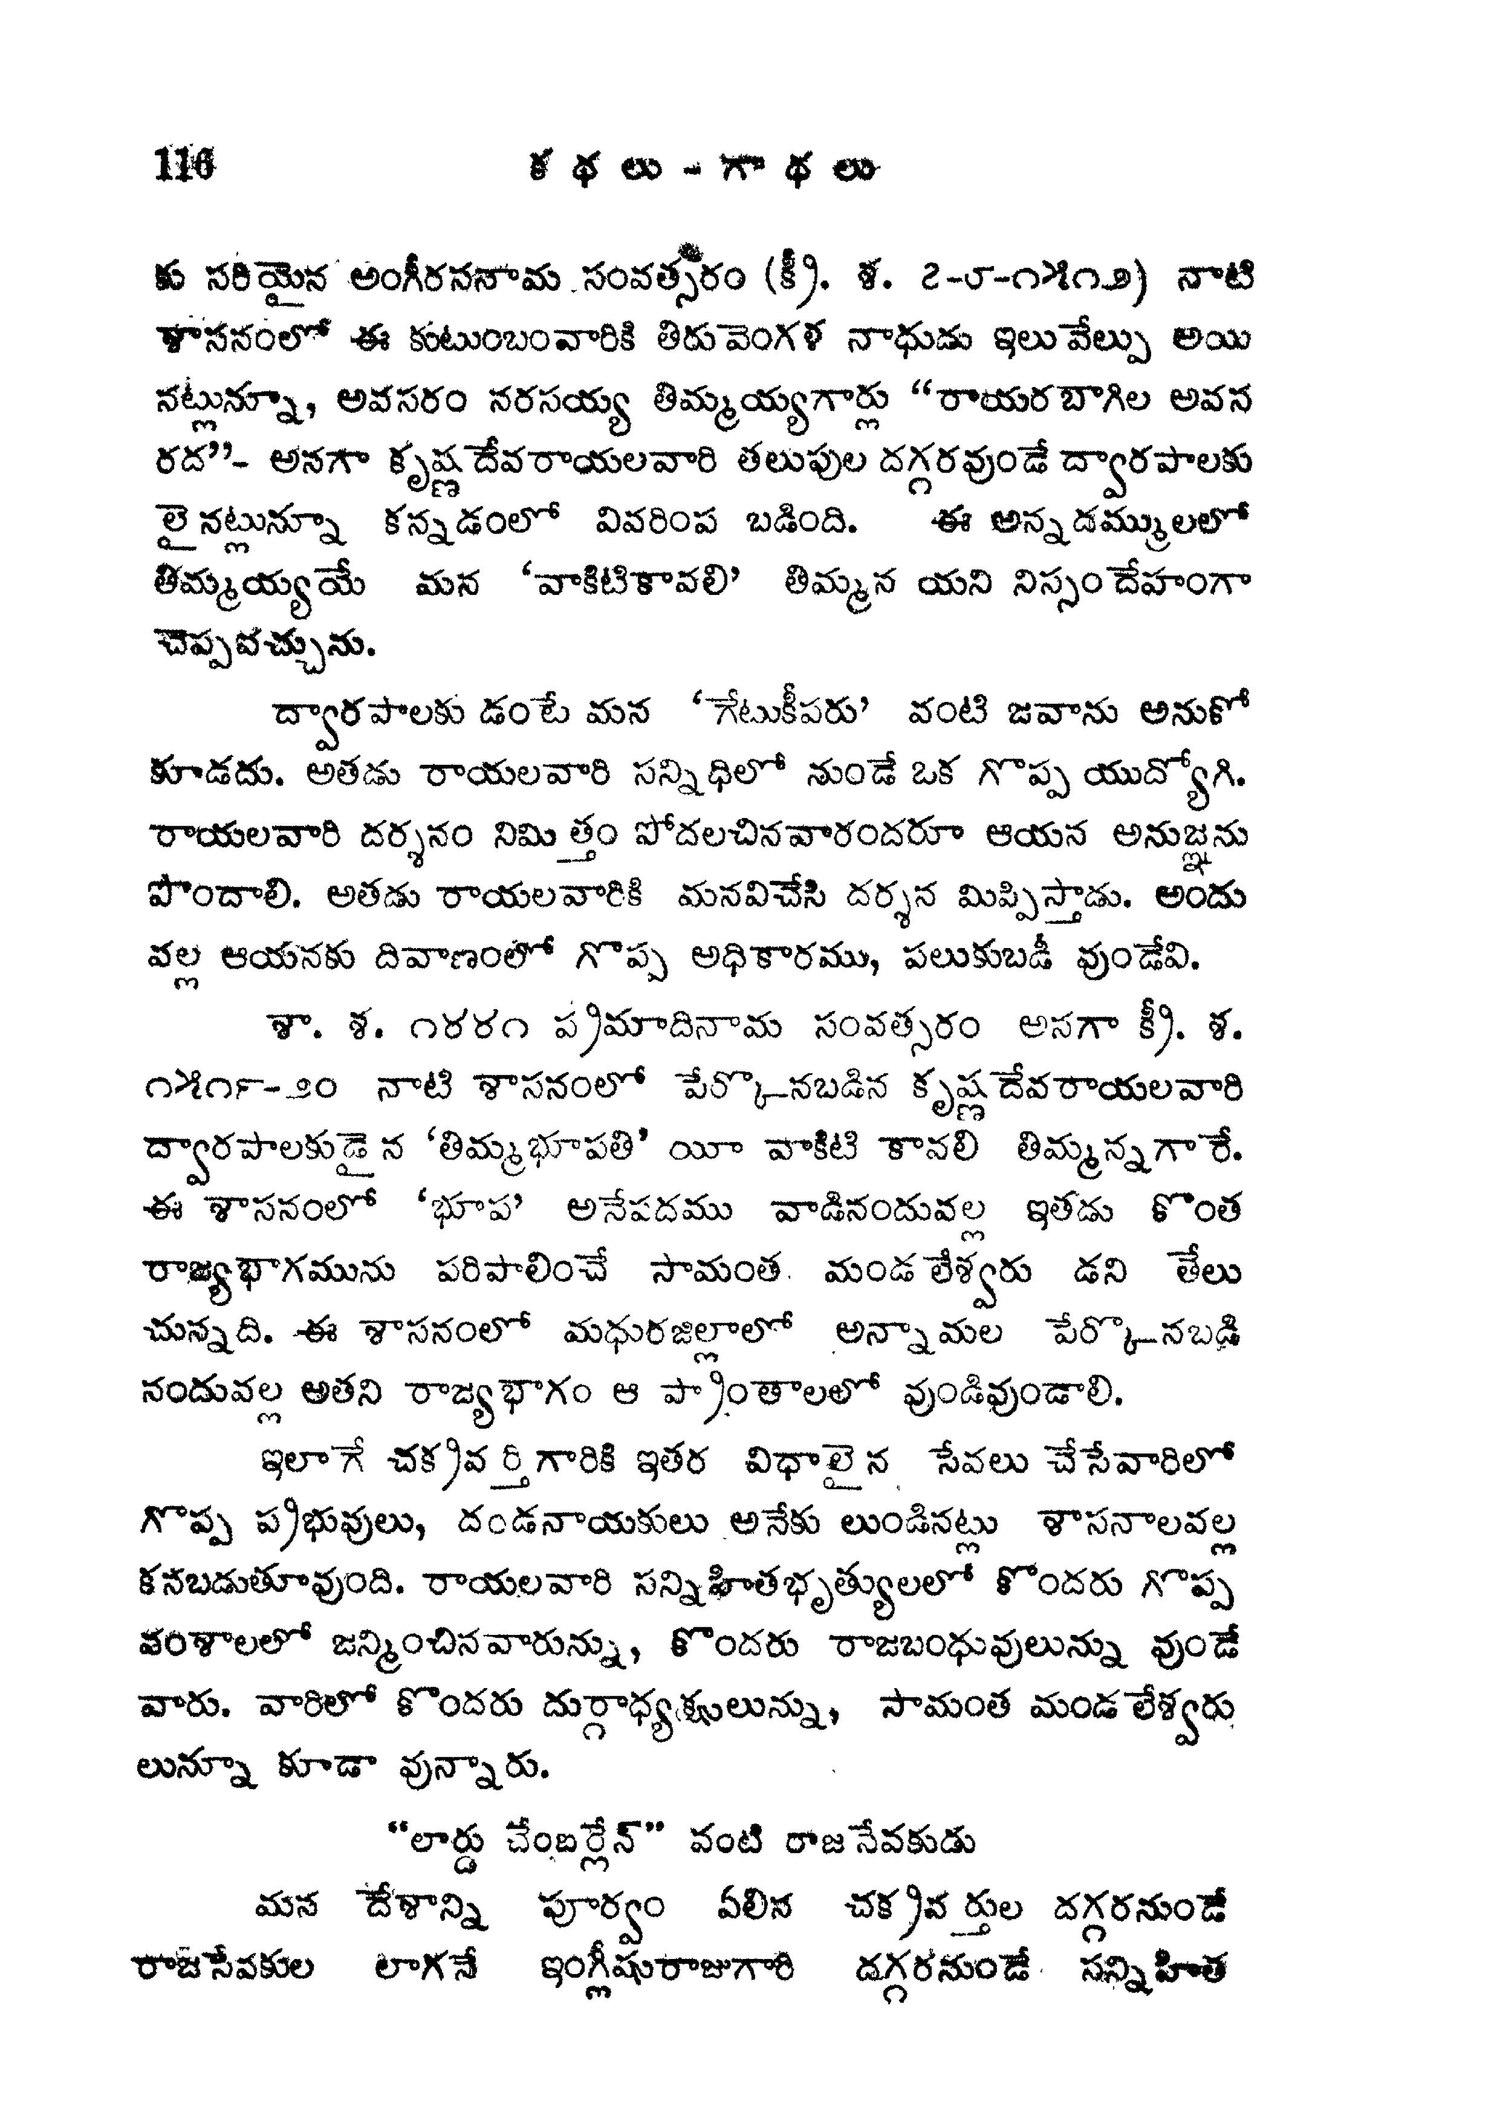కు సరియైన అంగీరసనామ సంవత్సరం (క్రీ.శ.7-8-1512)నాటి శాసనములో ఈ కుటుంబంవారికి తిరువెంగళ నాధుడు ఇలువేల్పు అయినట్లున్నూ, అవసరం నరసయ్య తిమ్మయ్యగార్లు "రాయరబాగిల అవనరద".అనగా కృష్ణదేవరాయల వారి తలుపుల దగ్గవుండే ద్వారపాలకు లైనట్లున్నూ కన్నడంలో వివరింప బడింది. ఈ అన్నదమ్ములలొ తిమ్మయ్యయే మన 'వాకిటికావలి ' తిమ్మన యని నిస్సందేహంగా చెప్పవచ్చును.

ద్వారపాలకు డంటే మన 'గేటుకీపరు ' వంటి జవాను అనుకోకూడదు. అతడు రాయలవారి సన్నిధిలో నుండే ఒక గొప్పయుద్యోగి. రాయలవారి దర్శనం నిమిత్తం పోదలచినవారందరూ ఆయన అనుజ్ఞను పొందాలి. అతడు రాయలవారికి మనవిచేసి దర్శన మిప్పిస్తాడు. అందువల్ల ఆయనకు దివాణంలో గొప్ప అధికారము, పలుకుబడి వుండేవి.

శా.శ.1441 ప్రమాదినామ సంవత్సరం అనగా క్రీ.శ.1519-20 నాటి శాసనంలో పేర్కొనబడిన కృష్ణదేవరాయలవారి ద్వారపాలకుడైన 'తిమ్మభూపతి ' యీ వాకిటి కావలి తిమ్మన్నగారే. ఈ శాసనంలో 'భూప ' అనేపదము వాడినందువల్ల ఇతడు కొంత రాజ్యభాగమును పరిపాలించే సామంత మండలేశ్వరుడని తేలుచున్నది. ఈ శాసనంలో మధురజిల్లాలో అన్నామల పేర్కొనబడినందువల్ల అతని రాజ్యభాగం ఆ ప్రాంతాలలో వుండివుండాలి.

ఇలాగే చక్రవర్తిగారికి ఇతర విధాలైన సేవలు చేసేవారిలో గొప్ప ప్రభువులు, దండనాయకులు అనేకు లుండినట్లు శాసనాలవల్ల కనబడుతూవుంది. రాయలవారి సన్నిహితభృత్యులలో కొందరు గొప్ప వంశాలలో జన్మించిన వారున్ను, కొందరు రాజబంధువులున్ను వుండే వారు. వారిలో కొందరు దుర్గాధ్యక్షులున్ను, సామంత మండలేశ్వరులున్నూ కూడా వున్నారు.

మనదేశాన్ని పూర్వం ఏలిన చక్రవర్తుల దగ్గరనుండే రాజసేవకుల లాగనే ఇంగ్లీషురాజుగారి దగ్గరనుండే సన్నిహిత